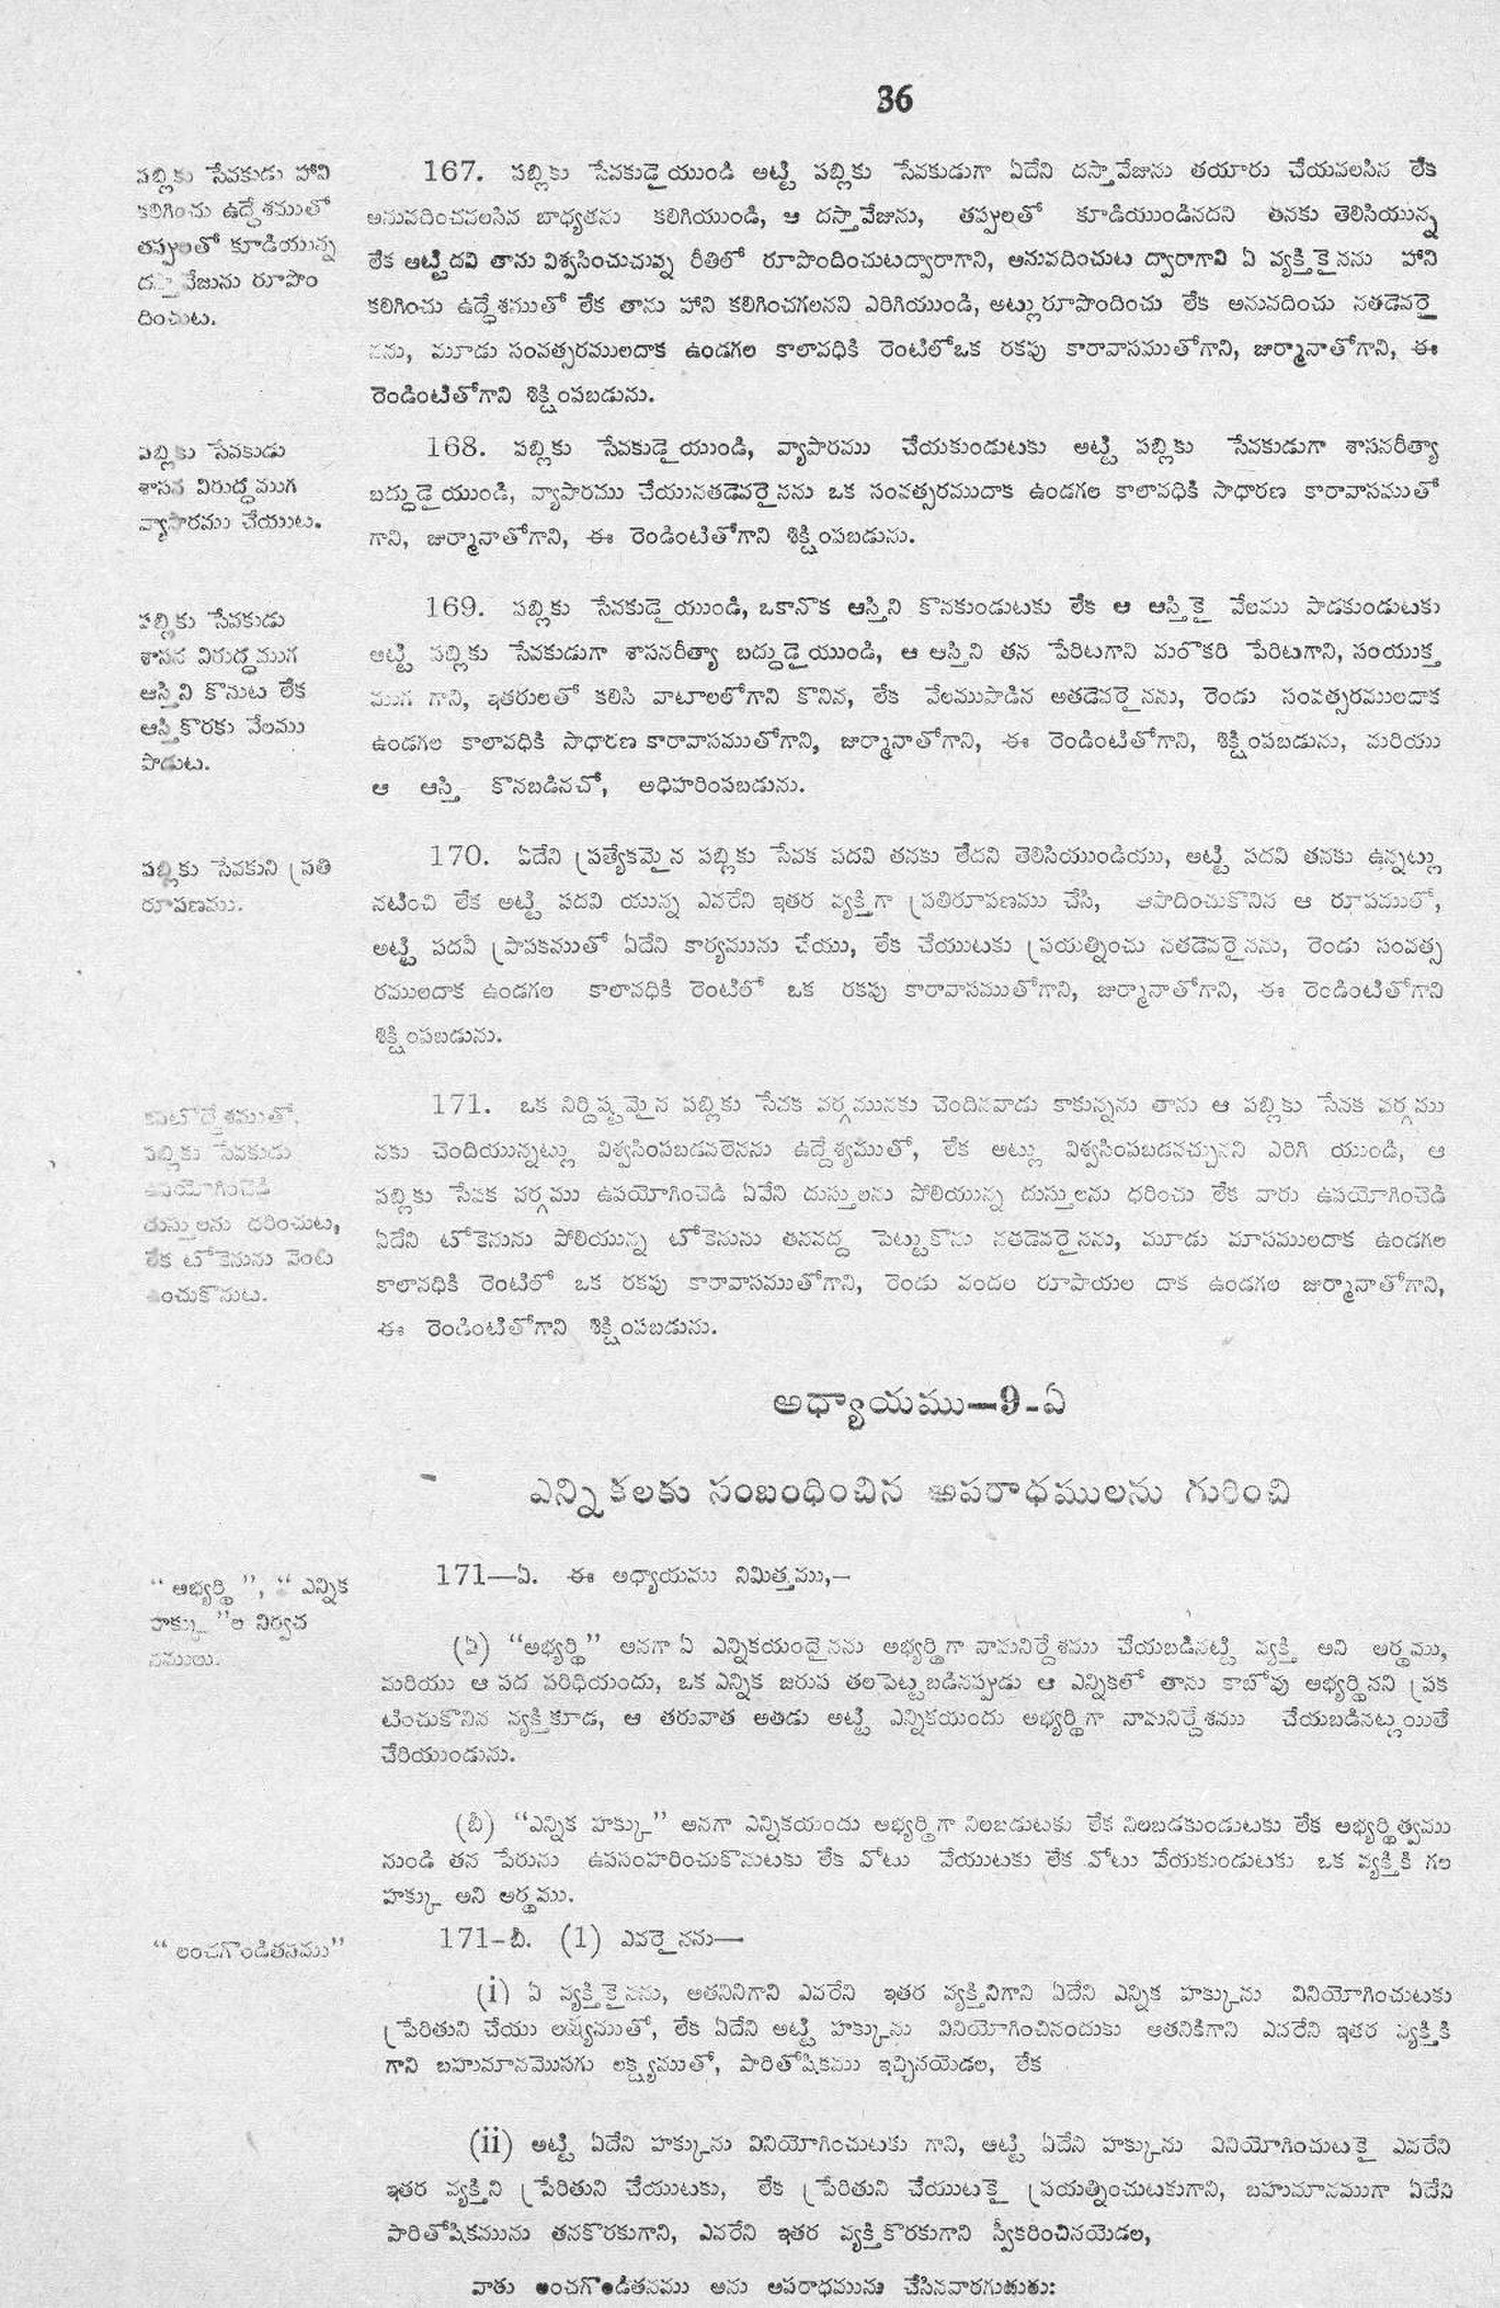పబ్లికు సేవకుడు హాని కలిగించు ఉద్దేశముతో తప్పులతో కూడియున్న దస్తావేజును రూపొందించుట.

167. పబ్లికు సేవకుడై యుండి అట్టి పబ్లికు సేవకుడుగా ఏదేని దస్తావేజును తయారు చేయవలసిన లేక అనుసరించ వలసిన బాధ్యతను కలిగియుండి, ఆ దస్తా వేజును, తప్పులతో కూడియుండినదని తనకు తెలిసియున్న లేక అట్టి దని తాను విశ్వసించుచున్న రీతిలో రూపొందించుటద్వారాగాని, అనువదించుట ద్వారాగాని ఏ వ్యక్తికై నను హాని కలిగించు ఉద్దేశముతో లేక తాను హాని కలిగించగలనని ఎరిగియుండి, అట్లు రూపొందించు లేక అనువదించు నతడెవరైనను, మూడు సంవత్సరములదాక ఉండగల కాలావధికి రెంటిలో ఒక రకపు కారావాసముతో గాని, జర్మానాతోగాని, ఈ
రెండింటితోగాని శిక్షింపబడును.

పబ్లికు సేవకుడు శాసన విరుద్ధముగ వ్యాపారము చేయుట,

168. పబ్లికు సేవకుడై యుండి, వ్యాపారము చేయకుండుటకు అట్టి పబ్లికు సేవకుడుగా శాసనరీత్యా బద్దుడై యుండి, వ్యాపారము చేయునతడెవరైనను ఒక సంవత్సరముదాక ఉండగల కాలానధికి సాధారణ కారావాసముతో గాని, జుర్మానాతోగాని, ఈ రెండింటితోగాని శిక్షింపబడును.

పల్లెకు సేవకుడు శాసన విరుద్దముగ ఆస్తిని కొనుట లేక ఆస్తి కొరకు వేలము పొడుట.

169. పబ్లికు సేవకుడై యుండి, ఒకానొక ఆస్తిని కొనకుండుటకు లేక ఆ ఆస్తికై వేలము పాడకుండుటకు అట్టి పబ్లికు సేవకుడుగా శాససరీత్యా బద్దుడై యుండి, ఆ ఆస్తిని తన పేరిటగాని మరొకరి పేరిట గాని, సంయుక్తముగ గాని, ఇతరులతో కలిసి వాటాలలోగాని కొనిన, లేక వేలముపాడిన అతడెవరైనను, రెండు సంవత్సరములదాక ఉండగల కాలావధికి సాధారణ కారావాసముతోగాని, జర్మానాతోగాని, ఈ రెండింటితోగాని, శిక్షింపబడును, మరియు ఆ ఆస్తి కొనబడినచో, అధిహరింపబడును.

పబ్లికు సేవకుని ప్రతి రూపణము.

170. ఏదేని ప్రత్యేకమైన పబ్లికు సేవక పదవి తనకు లేదని తెలిసియుండియు, ఆట్టి పదవి తనకు ఉన్నట్లు నటించి లేక అట్టి పదవి యున్న ఎవరేని ఇతర వ్యక్తిగా ప్రతిరూపణము చేసి, ఆపాదించుకొనిన ఆ రూపములో,అట్టి పదవి ప్రాపకముతో ఏదేని కార్యమును చేయు, లేక చేయుటకు ప్రయత్నించు నతడెవరైనను, రెండు సంవత్సరములదాక ఉండగల కాలానధికి రెంటిలో ఒక రకపు కారావాసముతోగాని, జుర్మానాతోగాని, ఈ రెండింటితో గాని శిక్షింపబడును.

కపటోద్దేశముతో పబ్లికు సేవకుడు ఉపయోగించెడి దుస్తులను ధరించుట, లేక టోకెనును వెంట ఉంచుకొనుట.

171. ఒక నిర్దిష్టమైన పబ్లికు సేవక వర్గమునకు చెందిన వాడు కాకున్నను తాను ఆ పబ్లికు సేవక వర్గమునకు చెందియున్నట్లు విశ్వసింపబడవలెనను ఉద్దేశ్యముతో, లేక అట్లు విశ్వసింపబడవచ్చునని ఎరిగి యుండి, ఆ పబ్లికు సేవక వర్గము ఉపయోగించెడి ఏవేని దుస్తులను పోలియున్న దుస్తులను ధరించు లేక వారు ఉపయోగించెడి ఏదేని టోకెనును పోలియున్న టోకెనును తనవద్ద పెట్టుకొను నతడెవరైనను, మూడు మాసములదాక ఉండగల కాలావధికి రెంటిలో ఒక రకపు కారావాసముతో గాని, రెండు వందల రూపాయల దాక ఉండగల జుర్మానాతో గాని, ఈ రెండింటితో గాని శిక్షింపబడును.

"అభ్యర్థి", " ఎన్నిక హక్కు" నిర్వచనములు

171-ఏ. ఈ అధ్యాయము నిమిత్తము, ---

(ఎ) “అభ్యర్థి " అనగా ఏ ఎన్నికయందై నను అభ్యర్థిగా నామనిర్దేశము చేయబడినట్టి వ్యక్తి అని అర్థము, మరియు ఆ పద పరిధియందు, ఒక ఎన్నిక జరుప తలపెట్ట బడినప్పుడు ఆ ఎన్నికలో తాను కాబోవు అభ్యర్థినని ప్రకటించుకొనిన వ్యక్తి కూడ, ఆ తరువాత అతడు అట్టి ఎన్నికయందు అభ్యర్థిగా నామనిర్దేశము చేయబడినట్లయితే చేరియుండును.

(బి)“ఎన్నిక హక్కు అనగా ఎన్నికయందు అభ్యర్థి గా నిలబడుటకు లేక నిలబడకుండుటకు లేక అభ్యర్థిత్వము నుండి తన పేరును ఉపసంహరించుకొనుటకు లేక వోటు వేయుటకు లేక వోటు వేయకుండుటకు ఒక వ్యక్తికి గల హక్కు అని అర్థము.

"లంచగొండితనము"

171-బీ. (1) ఎవరైనను -

(i) ఏ వ్యక్తి కైనను, అతనినిగాని ఎవరేని ఇతర వ్యక్తి నిగాని ఏదేని ఎన్నిక హక్కును వినియోగించుటకు ప్రేరితుని చేయు లక్షముతో, లేక ఏదేని అట్టి హక్కును వినియోగించినందుకు ఆతనికి గాని ఎవరేని ఇతర వ్యక్తికి గాని బహుమానమొసగు లక్ష్యముతో, పారితోషికము ఇచ్చినయెడల, లేక

(ii) అట్టి ఏదేని హక్కును వినియోగించుటకు గాని, అట్టి ఏదేని హక్కును వినియోగించుటకై ఎవరేని ఇతర వ్యక్తిని ప్రేరితుని చేయుటకు, లేక ప్రేరితుని చేయుటకై ప్రయత్నించుటకుగాని, బహుమానముగా ఏదేని పారితోషికమును తనకొరకుగాని, ఎవరేని ఇతర వ్యక్తి కొరకుగాని స్వీకరించినయెడల.

వారు లంచగొండితనము అను అపరాధమును చేసిన వారగుదురు.